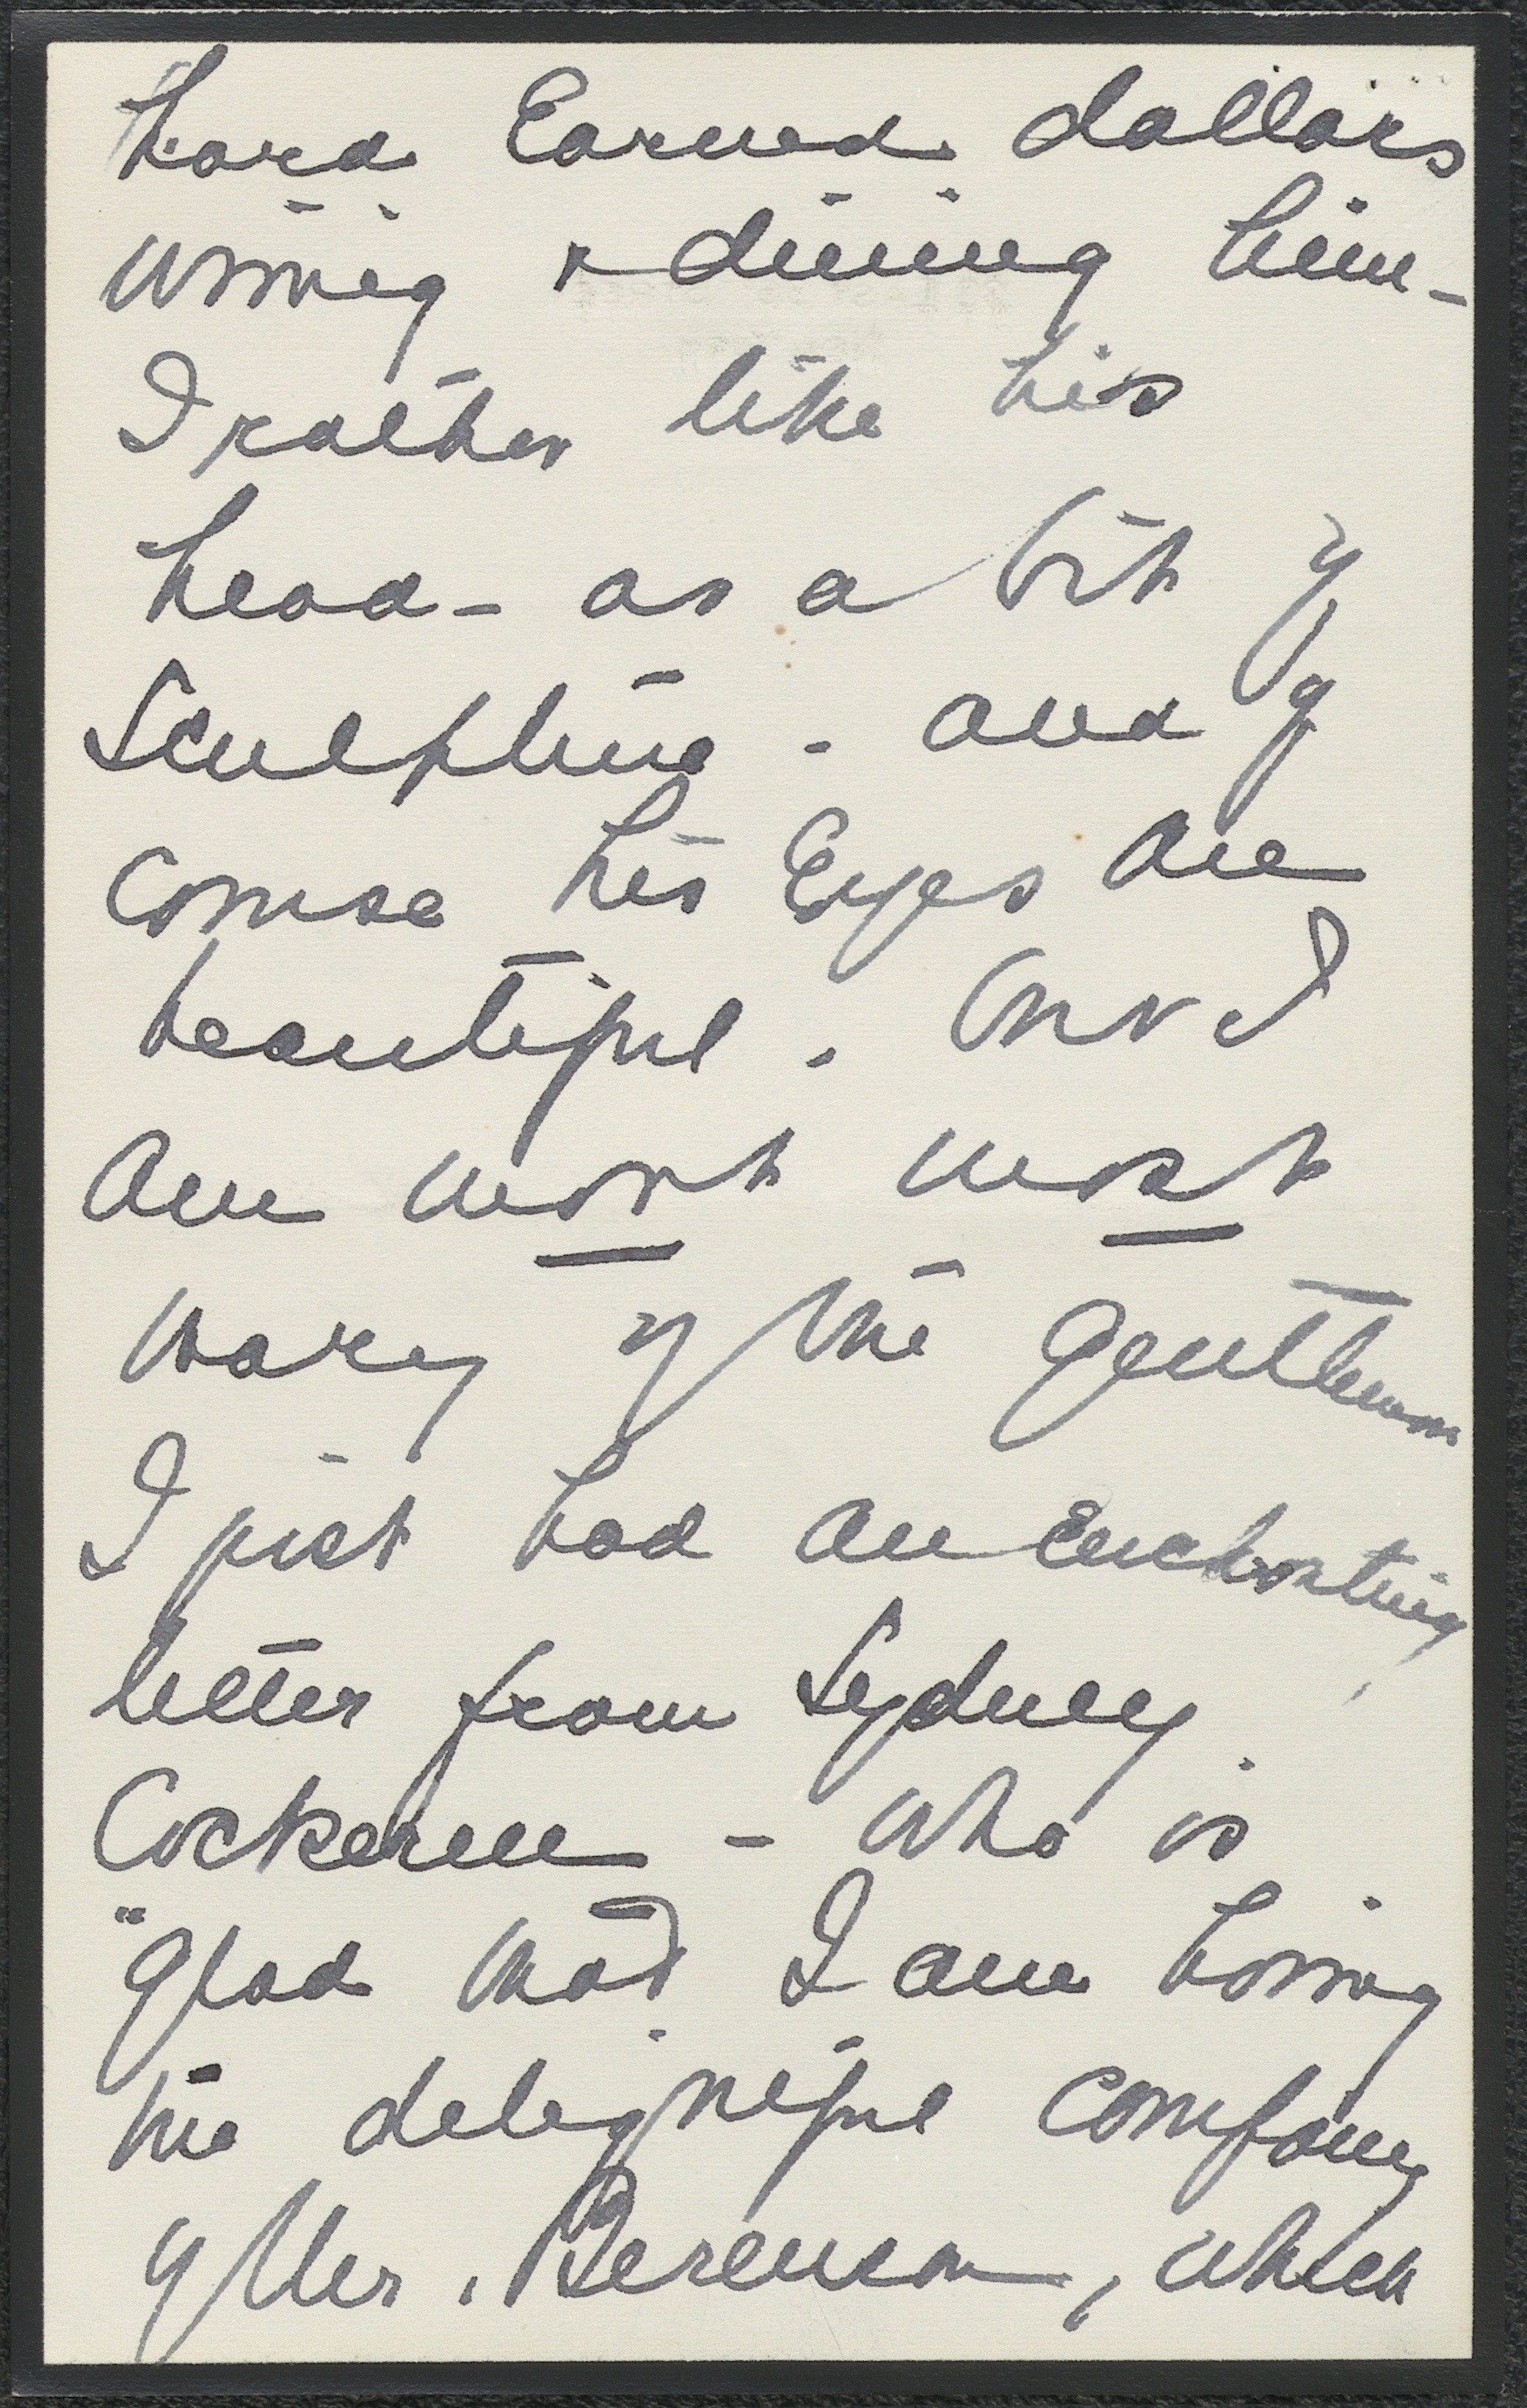hard earned dollars wining & dining him – I rather like his head – as a bit of sculpting – and of course his eyes are beautiful, but I am most most wary of the gentleman
I just had an enchanting letter from Sydney Cockerell – who is “glad that I am having the delightful company of Mr. Berenson, which